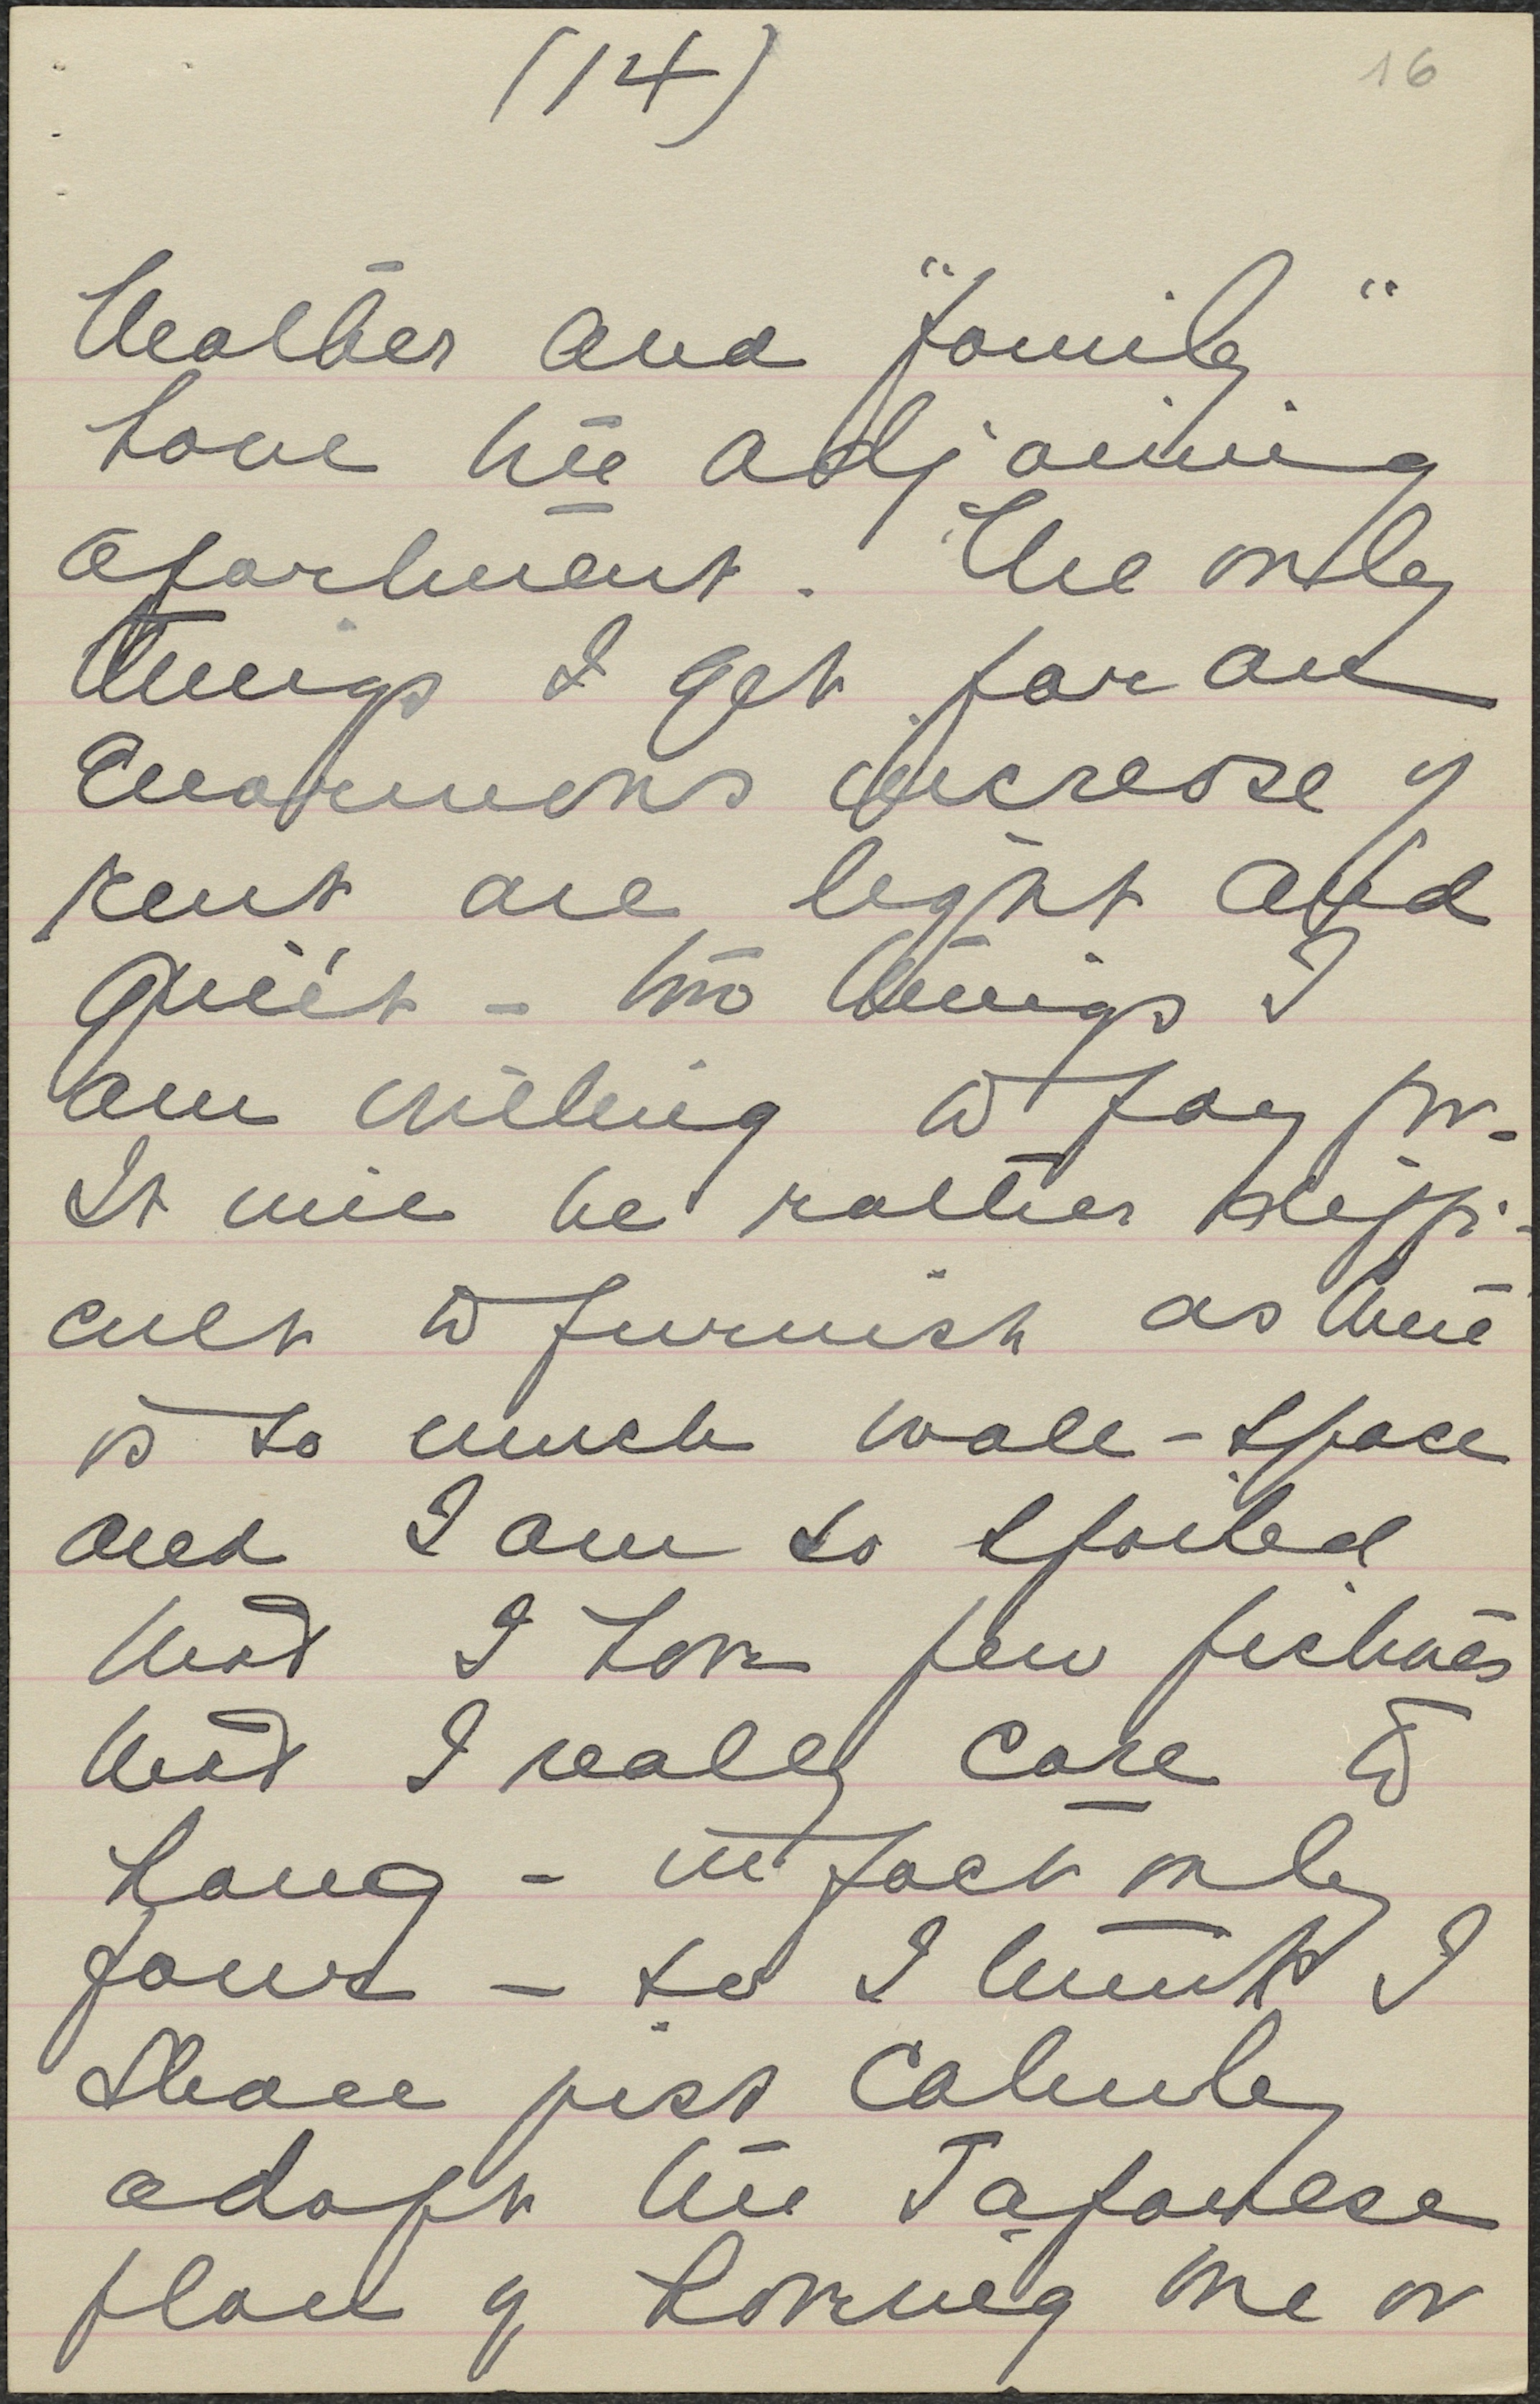(14)
Mother and “family” have the adjoining apartment. The only things I get for an enormous increase of rent are light and quiet – two things I am willing to pay for – It will be rather difficult to furnish as there is so much wall-space and I am so spoiled that I have few pictures that I really care to hang – in fact only four – so I think I shall just calmly adopt the Japanese plan of having one or